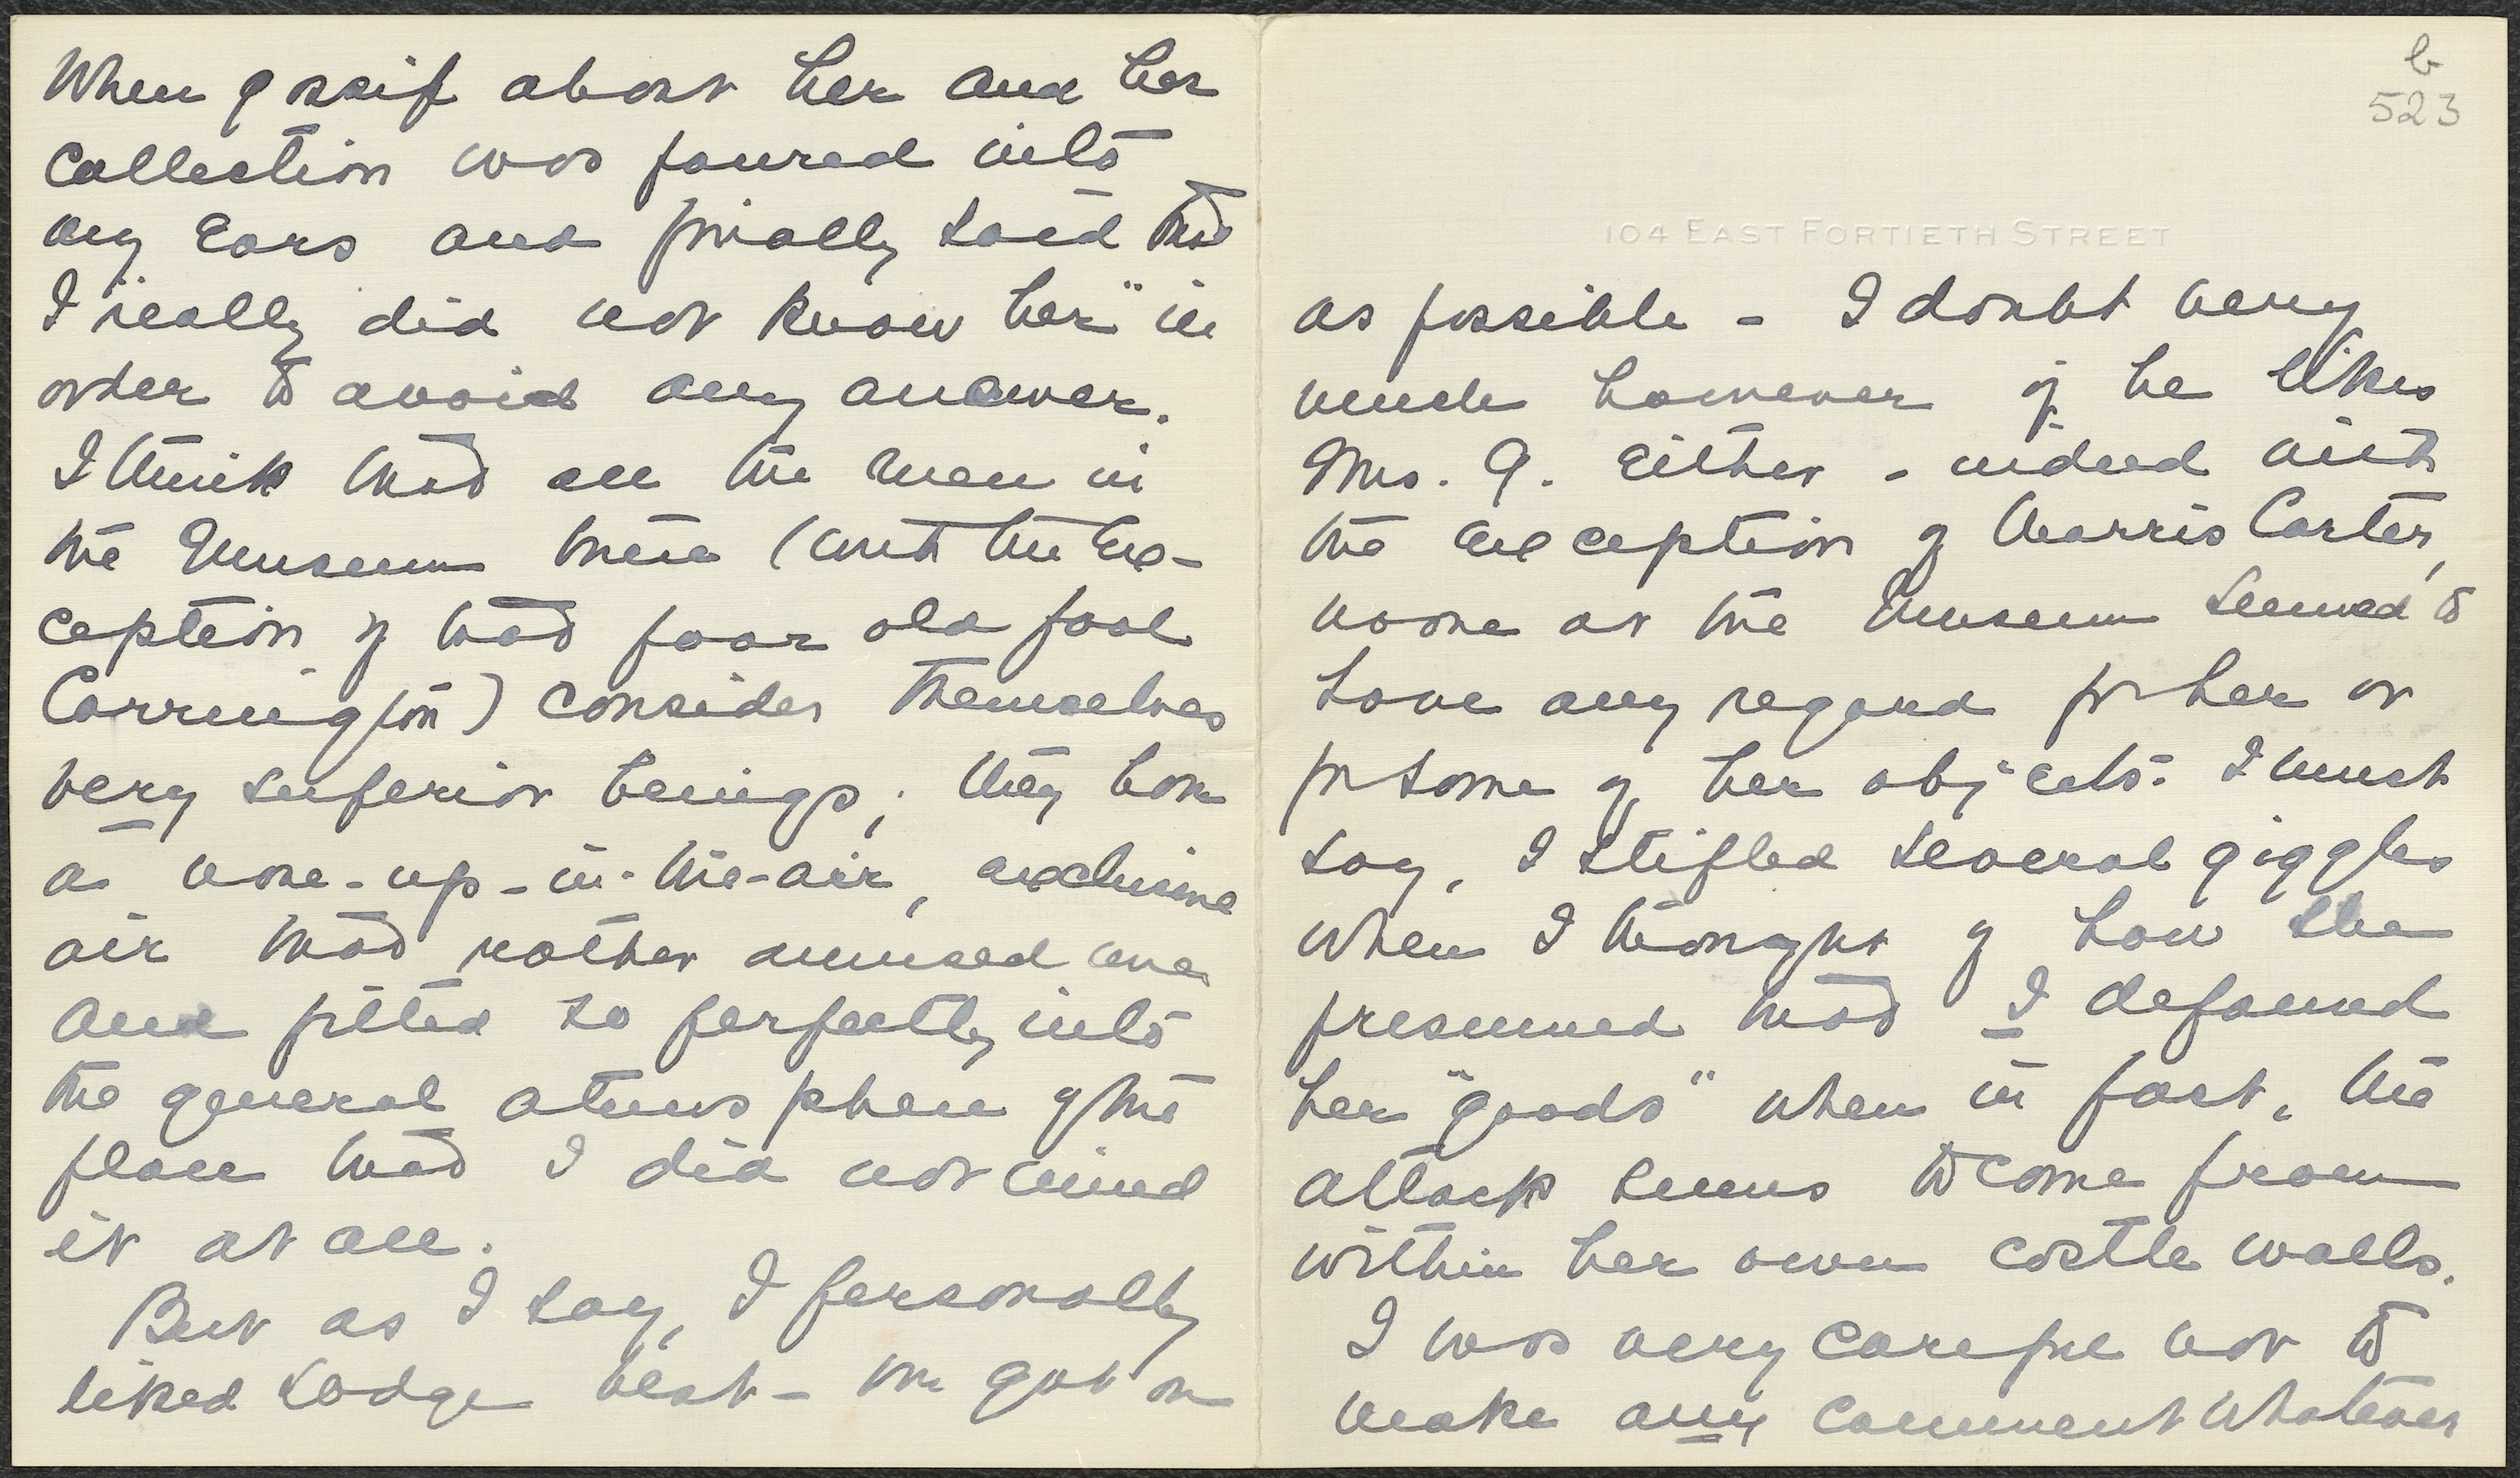as possible – I doubt very much however if he likes Mrs. G. either – indeed with the exception of Morris Carter, no one at the Museum seemed to have any regard for her or for some of her objects. I must say, I stifled several giggles when I thought of how she presumed that I defamed her “goods” when in fact, the attack seems to come from within her own castle walls. I was very careful not to make any comment whatever
when gossip about her and her collection was poured into my ears and finally said that I “really did not know her” in order to avoid any answer. I think that all the men in the Museum there (with the exception of that poor old fool Carrington) consider themselves very superior beings; they have a nose-up-in-the-air, exclusive air that rather amused me and fitted so perfectly into the general atmosphere of the place that I did not mind it at all.
But as I say, I personally liked Lodge best – we got on